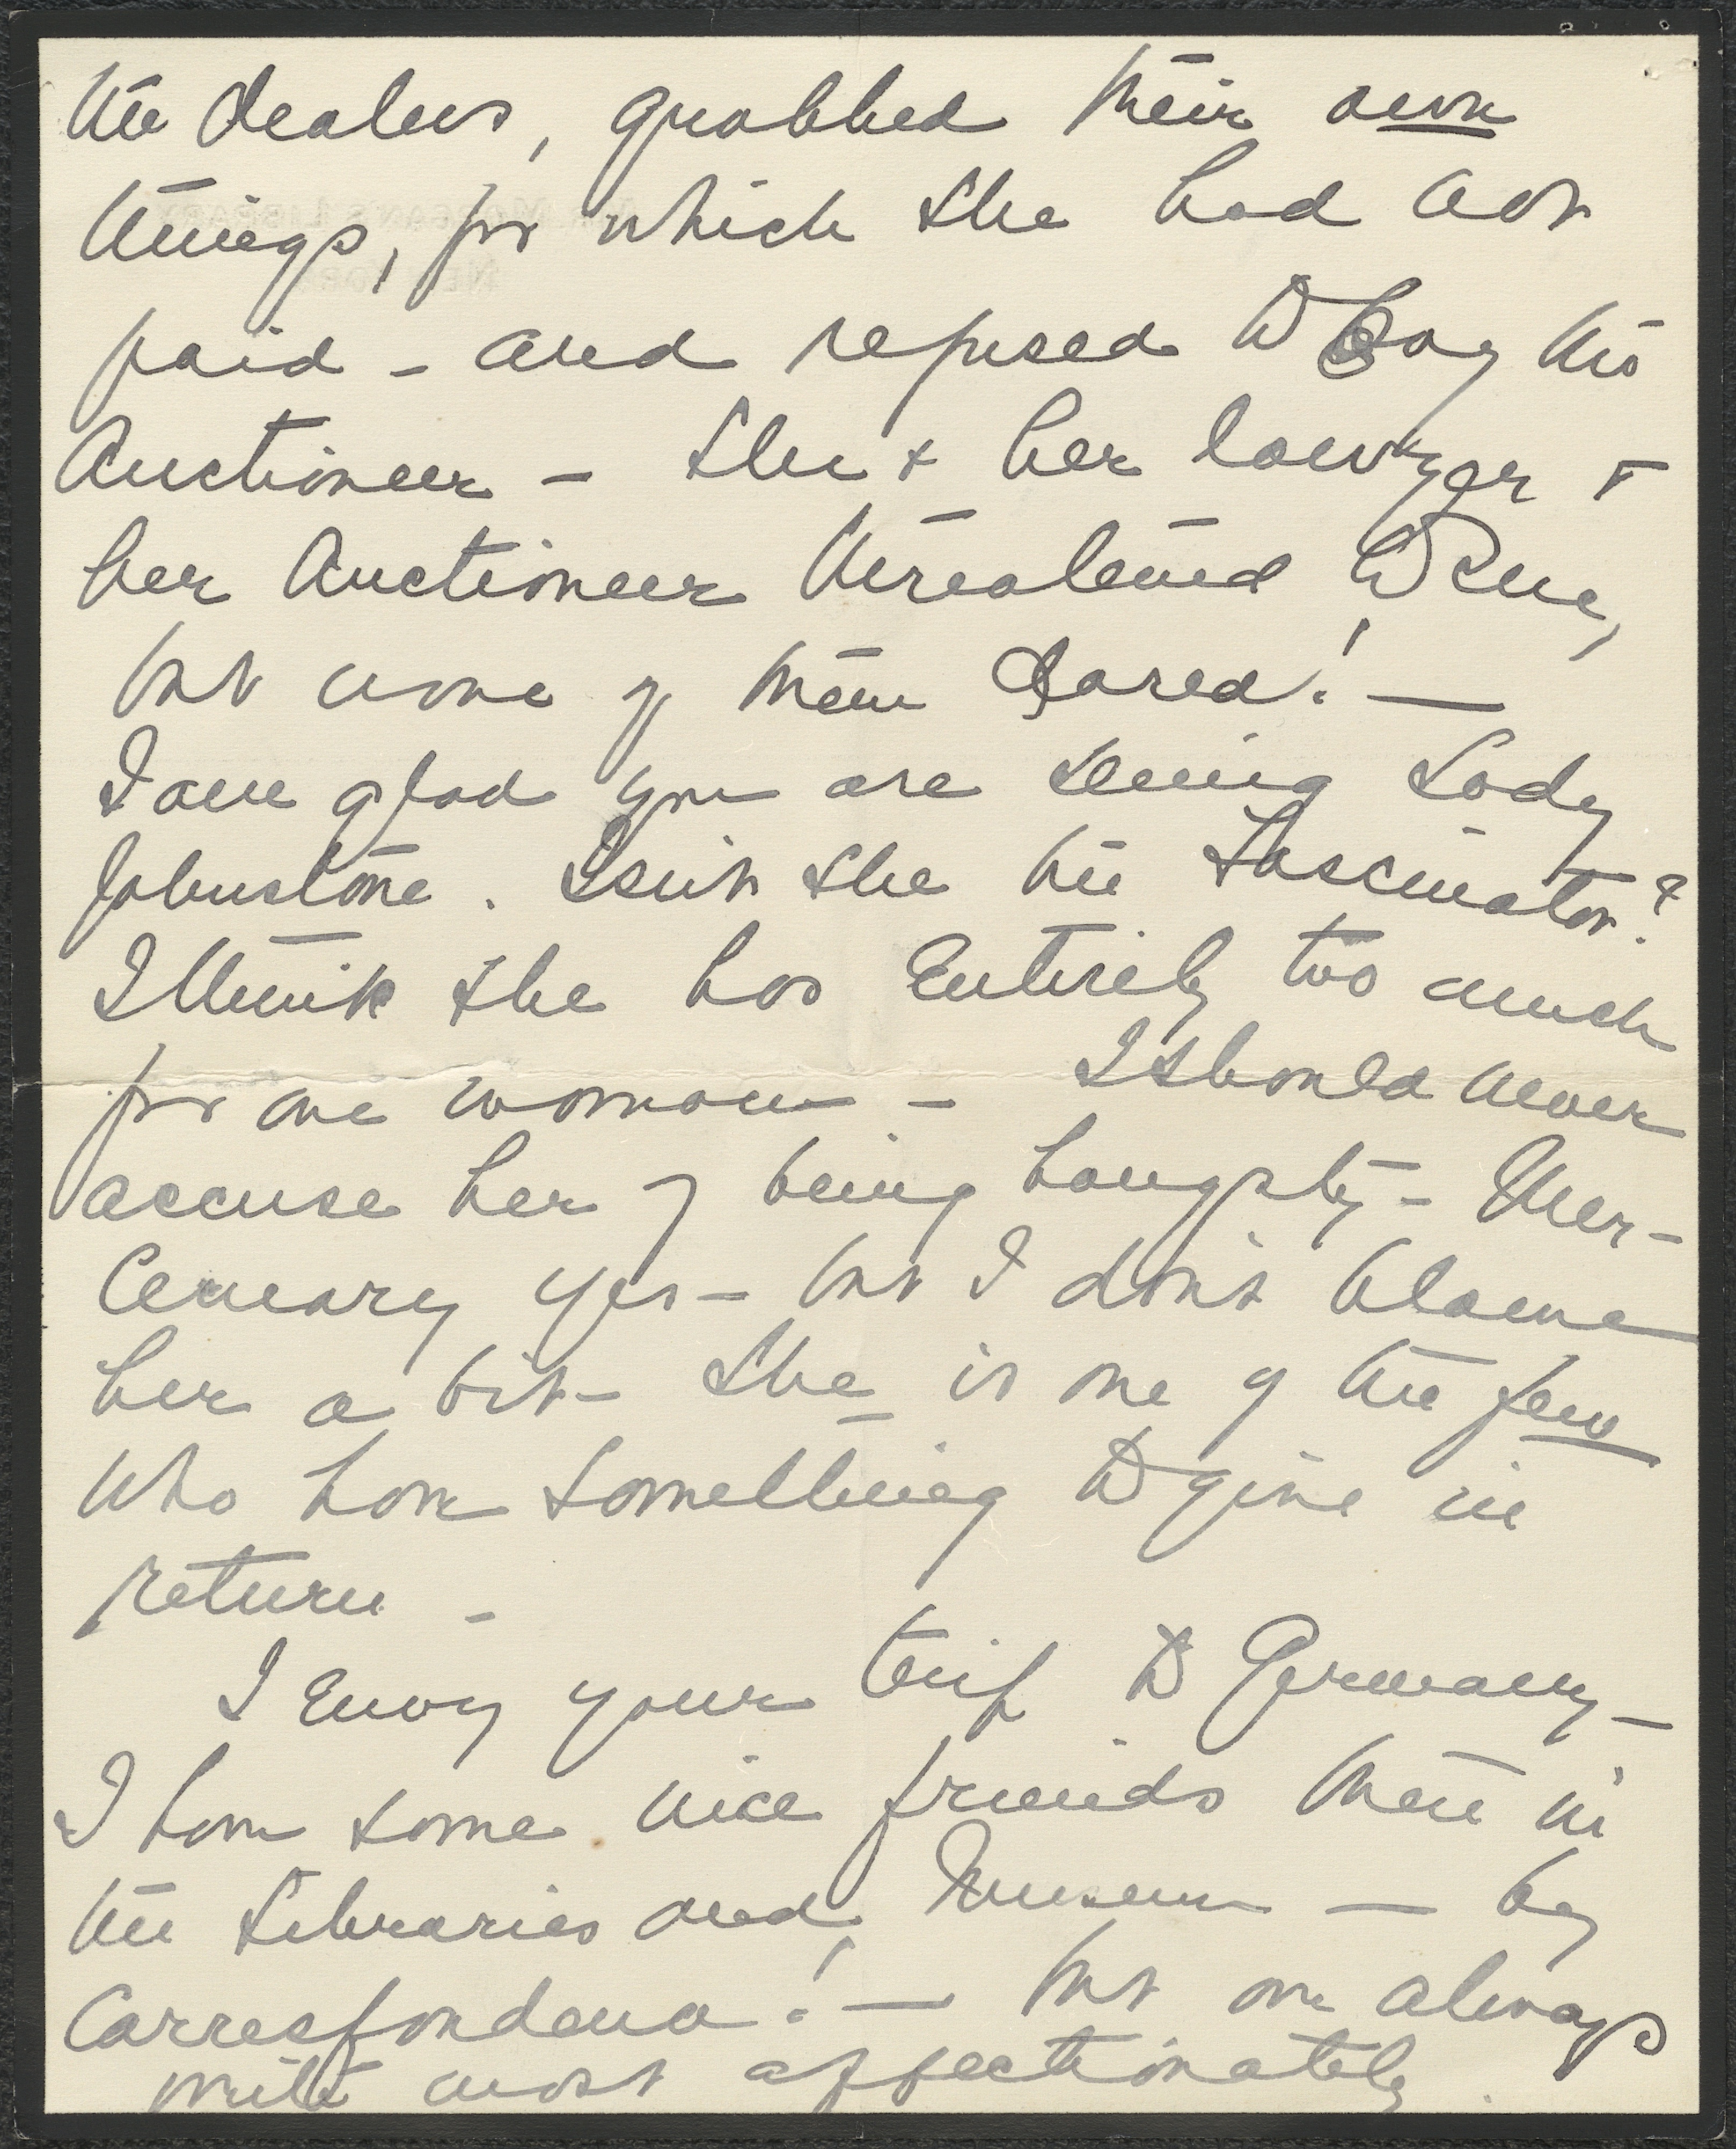the dealers, grabbed their own things, for which she had not paid – and refused to pay his auctioneer – she & her lawyer & her auctioneer threatened to sue, but none of them dared! – I am glad you are seeing Lady Johnstone. Isn’t she the Fascinator? I think she has entirely too much for one woman – I should never excuse her of being haughty – Merceneary [sic] yes – but I don’t blame her a bit – she is one of the few who have something to give in return –
I envy your trip to Germany – I know some nice friends there in the Libraries and Museums – by Correspondence! – but one always write [sic] most affectionately.